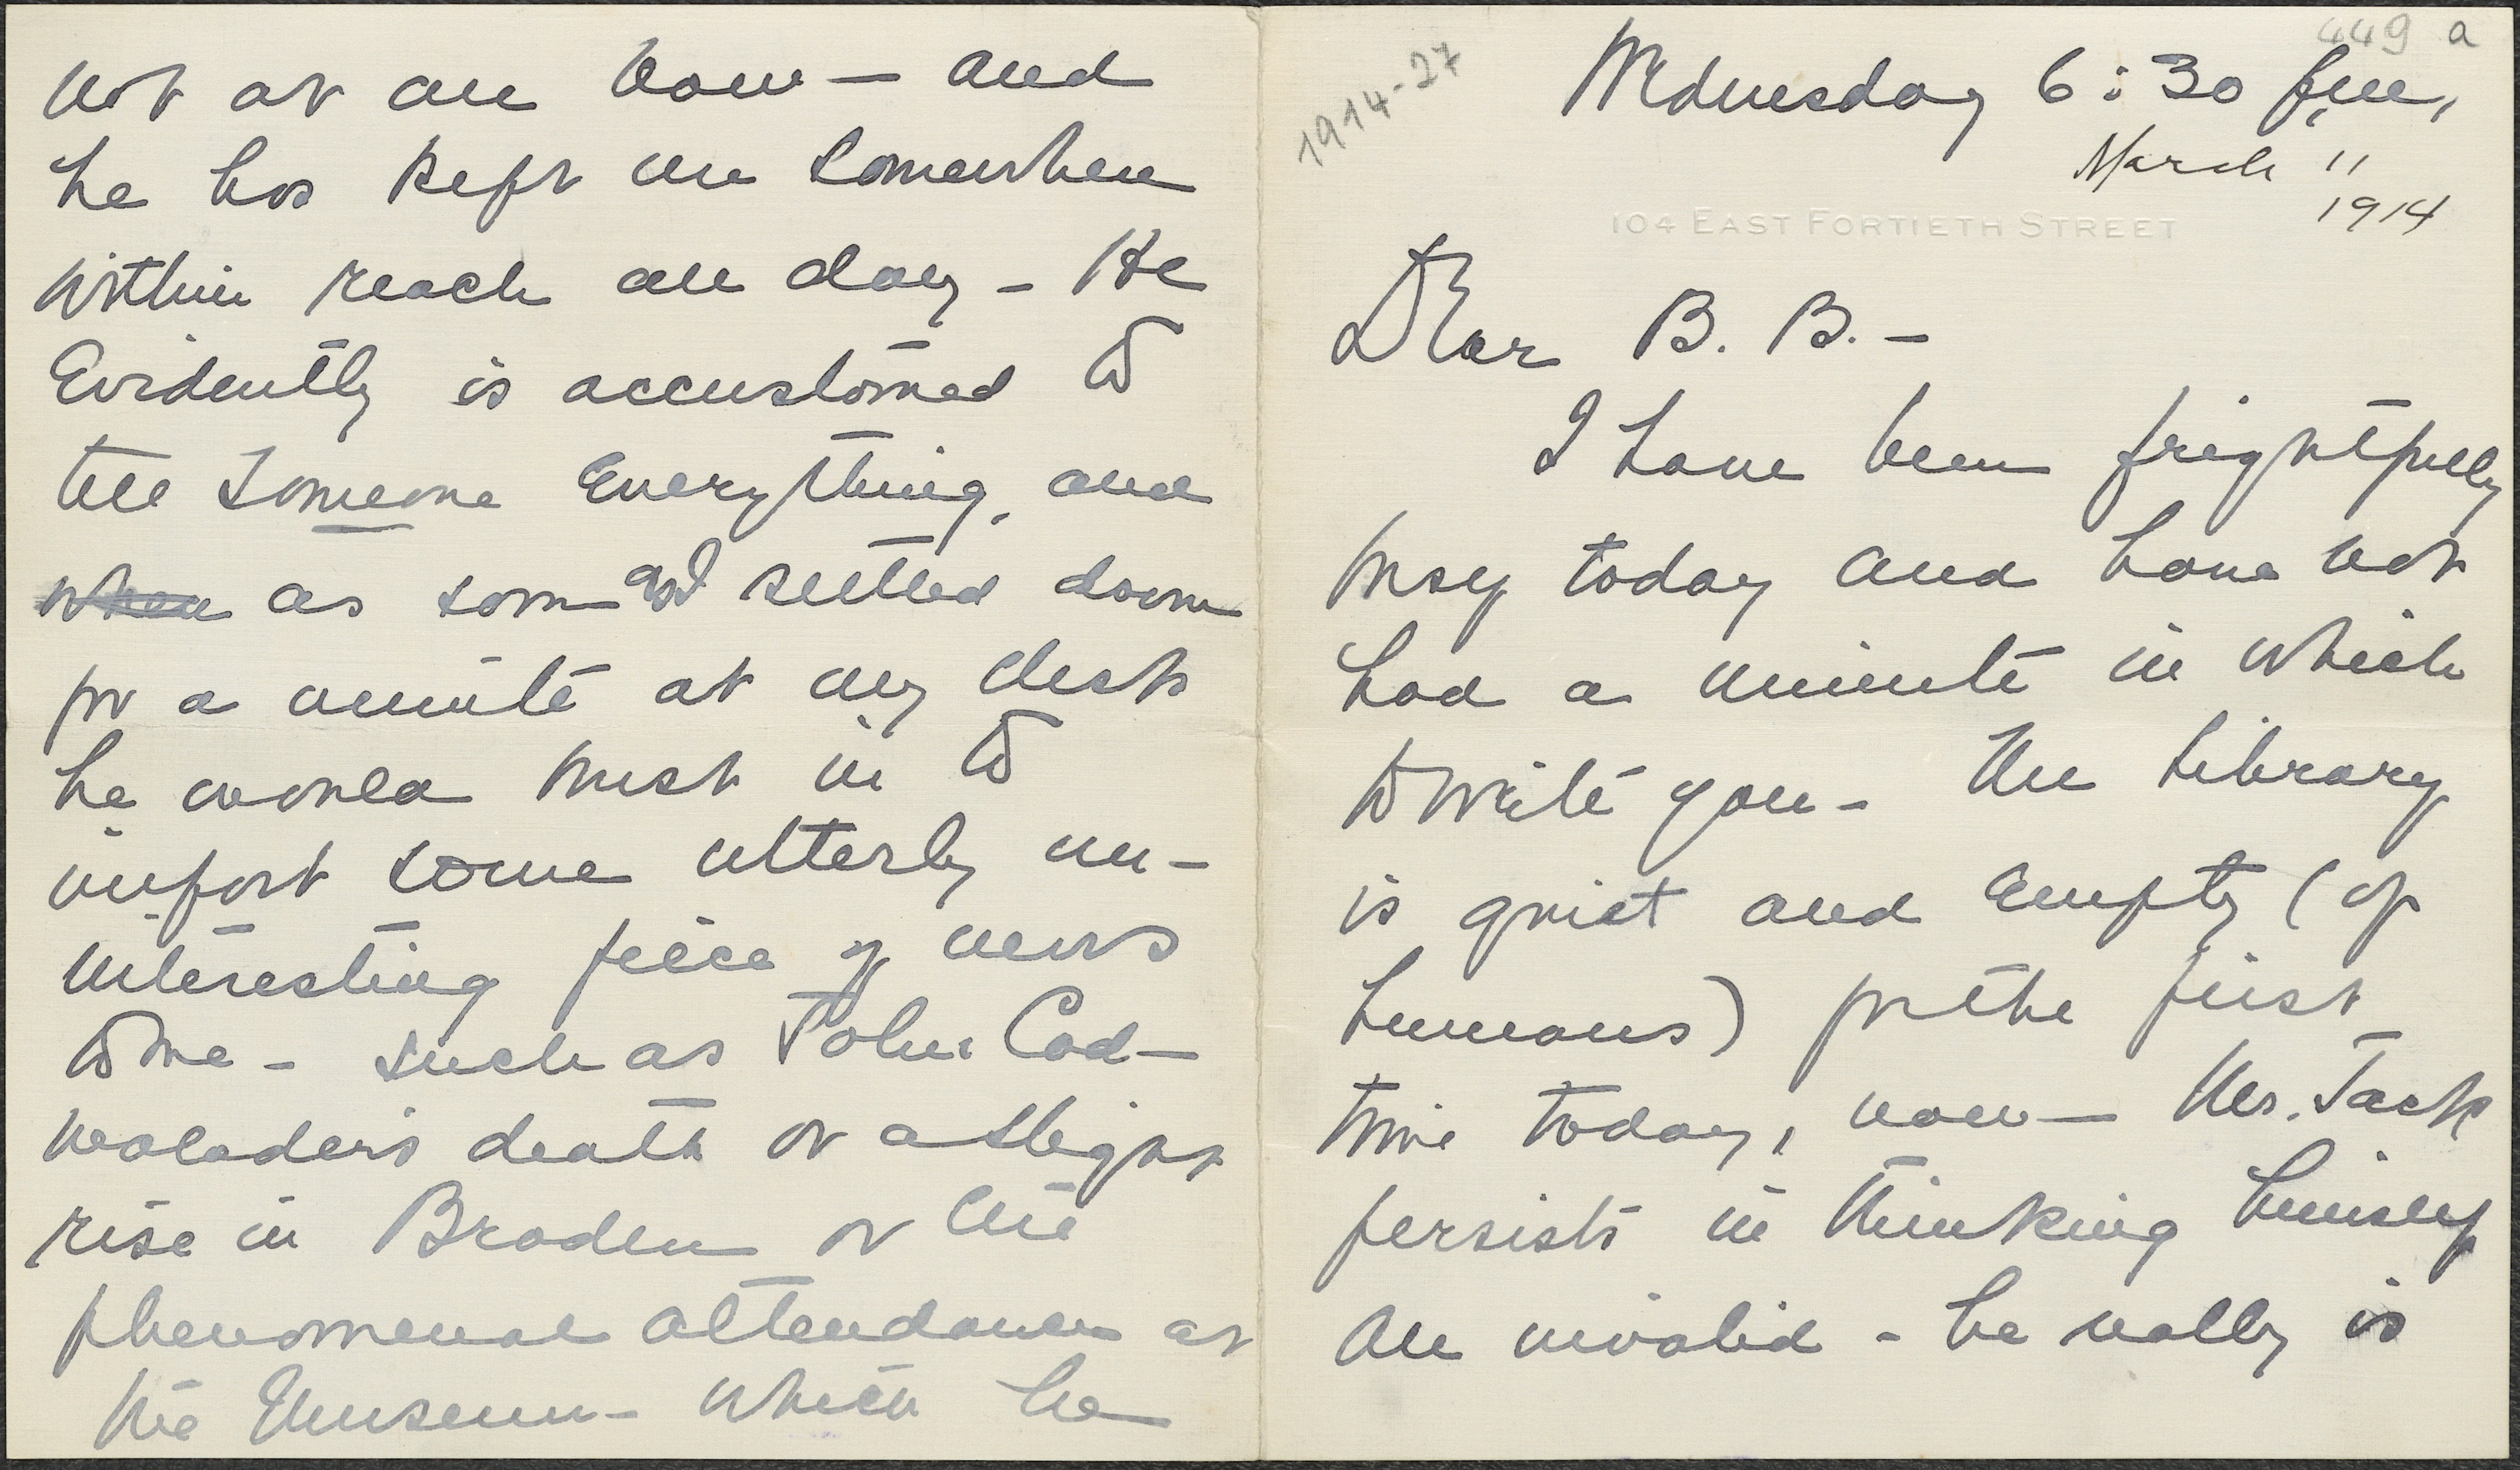Wednesday 6:30 p.m.
Dear B.B. –
I have been frightfully busy today and have not had a minute in which to write you – The Library is quiet and empty (of humans) for the first time today, now – Mr. Jack persists in thinking himself an invalid – he really is
not at all now – and he has kept me somewhere within reach all day – He evidently is accustomed to tell someone everything, and when as soon as I settled down for a minute at my desk he would burst in to import some utterly uninteresting piece of news to me – such as John Cadwalader’s death or a slight rise in Braden or the phenomenal attendance at the Museum – which he